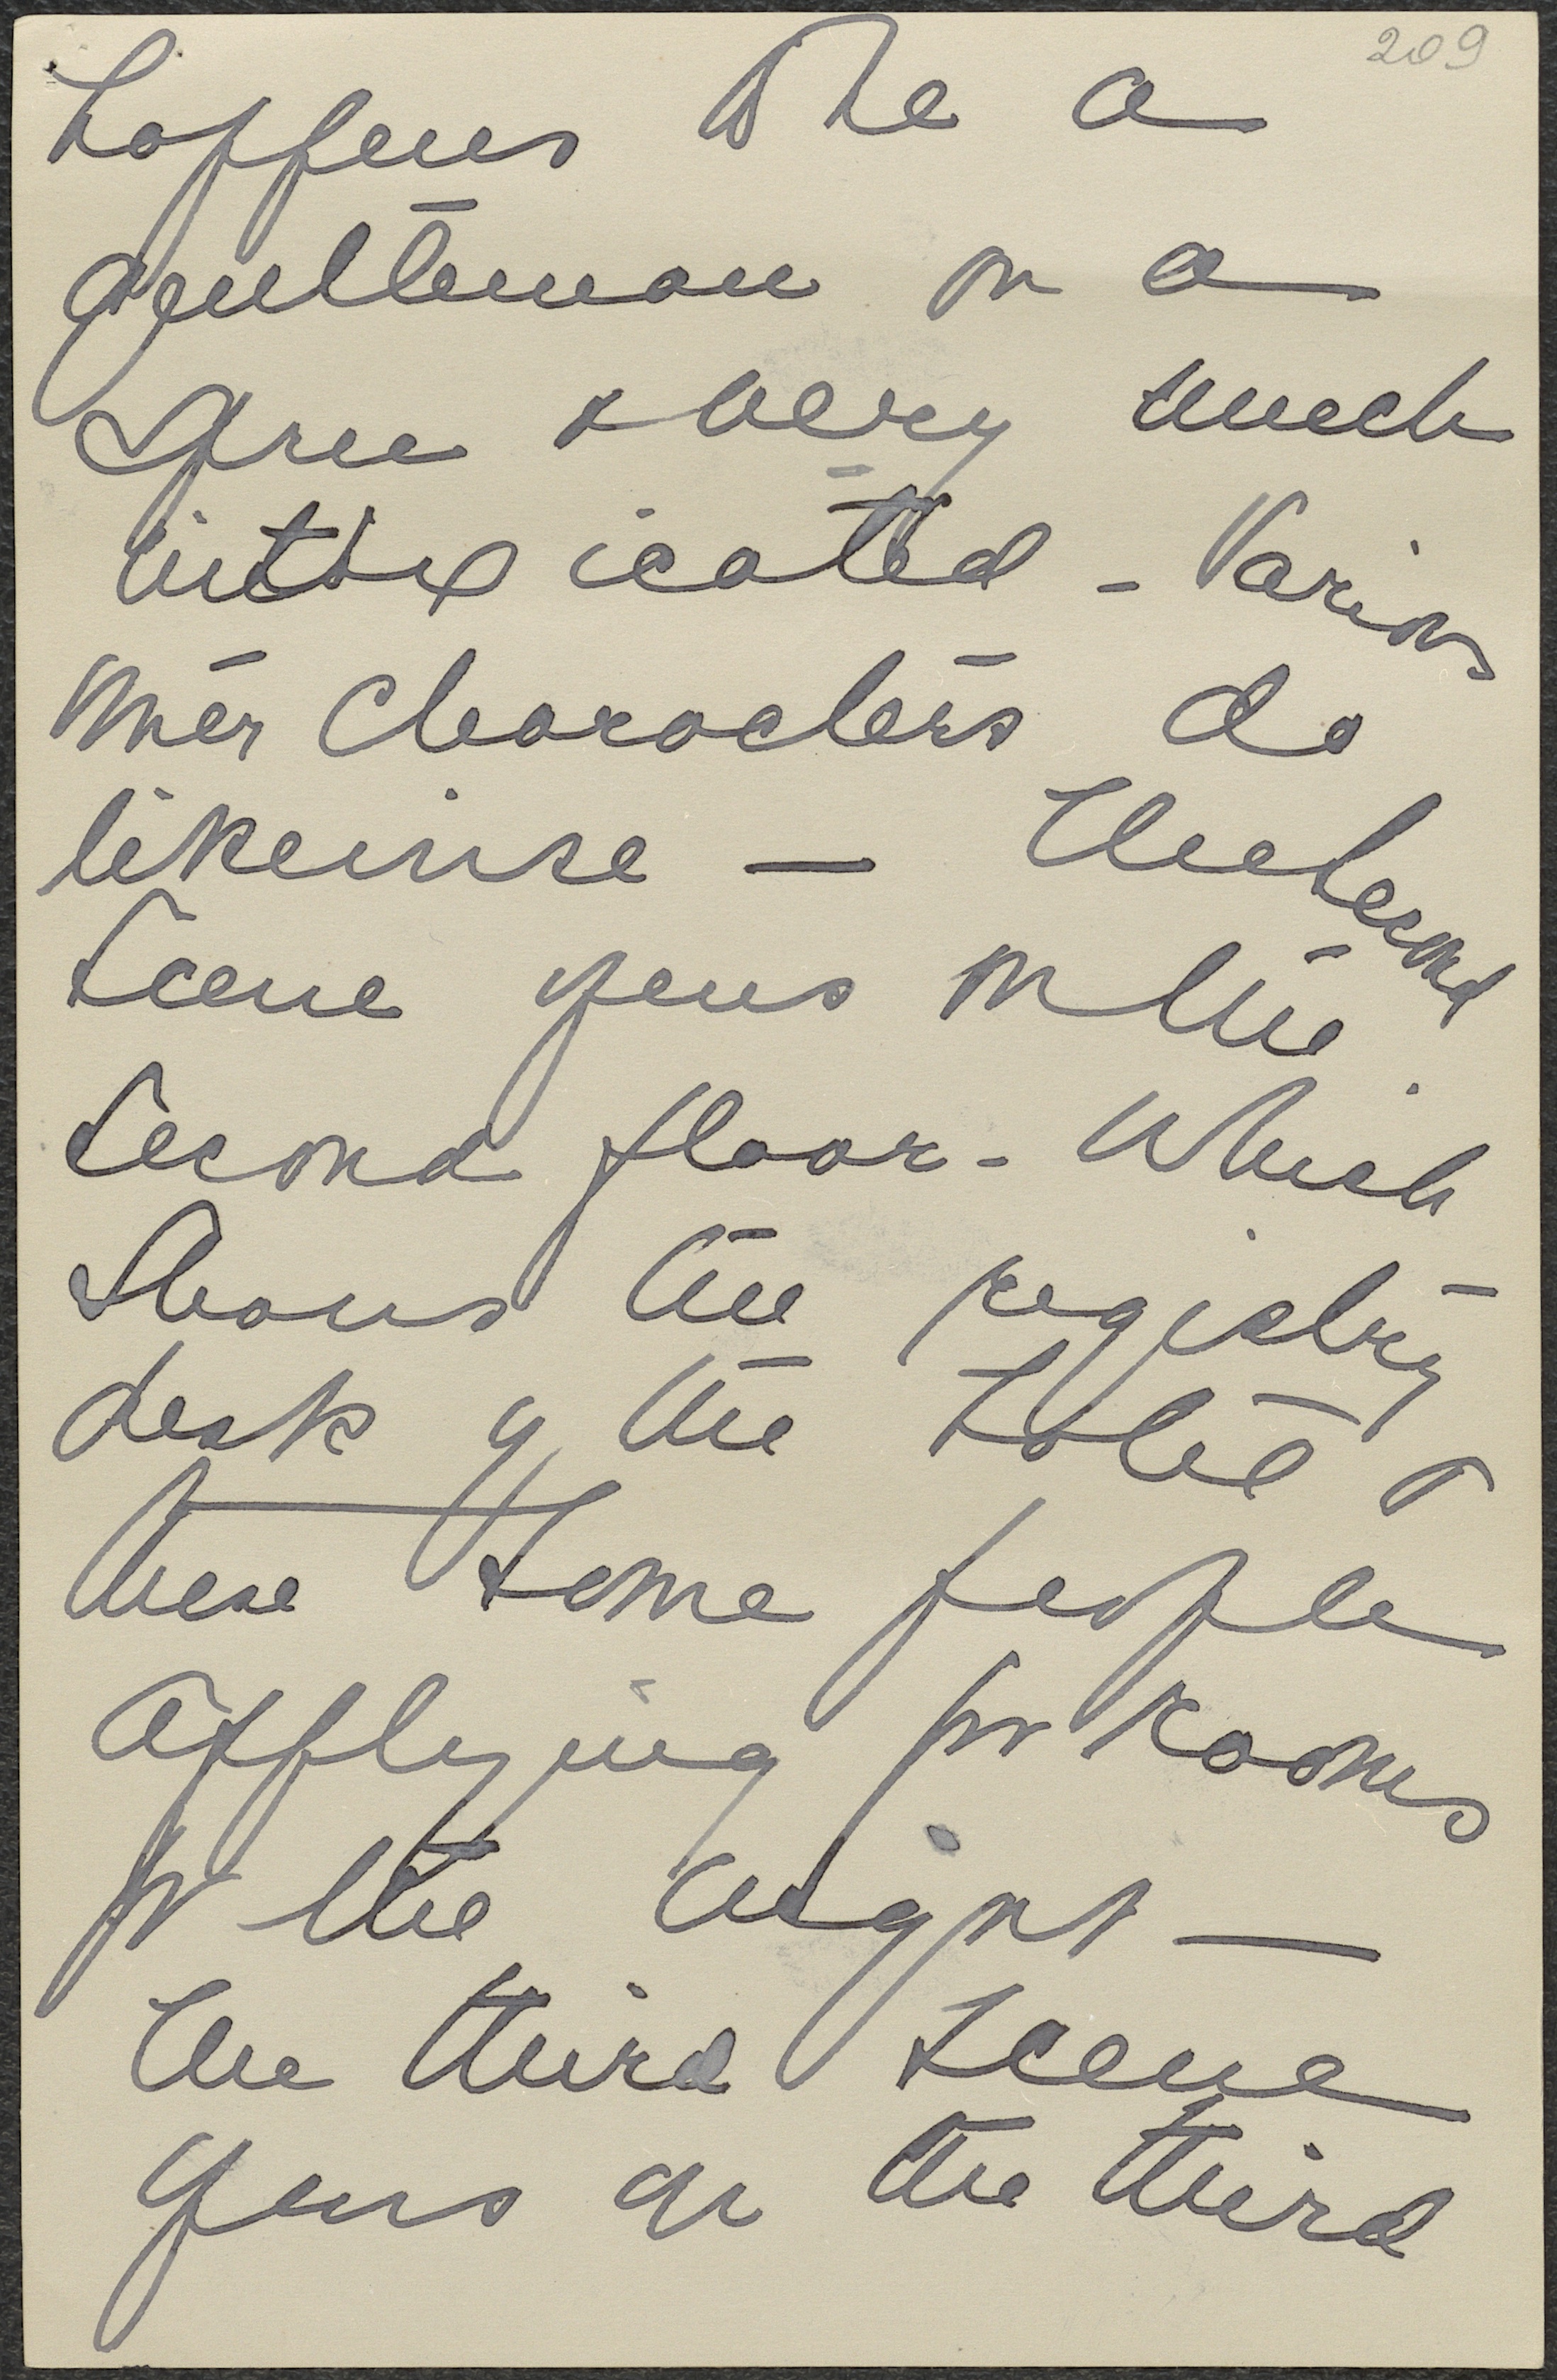happens to be a gentleman on a spree & very much intoxicated – various other characters do likewise – the second scene opens on the second floor – which shows the registry desk of the hotel & these same people applying for rooms for the night –
The third scene opens on the third